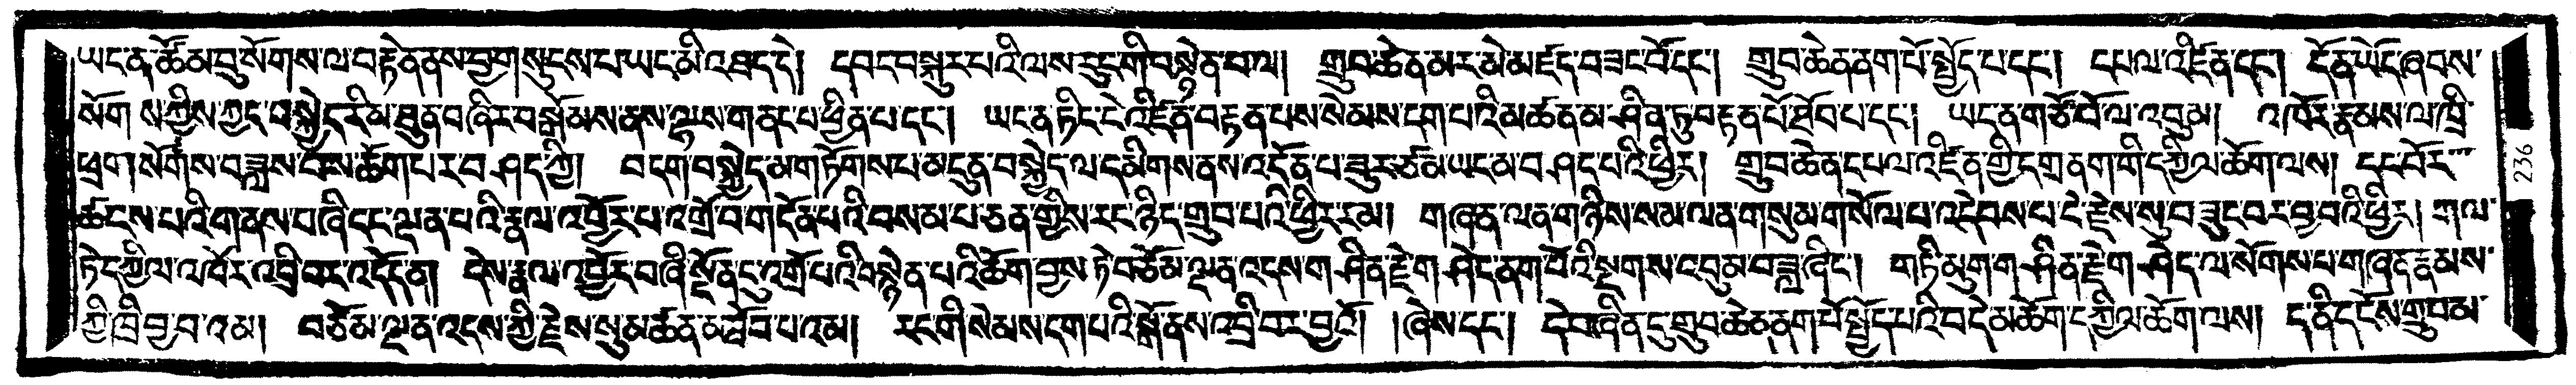ཡང་ན་ཚོམ་བུ་སོགས་ལ་བརྟེན་ནས་བྱ་གསུངས་པ་ཡང་མི་འཐད་དེ། དབང་བསྐུར་པའི་ལས་རུང་གི་བསྙེན་པ་ལ། གྲུབ་ཆེན་མར་མེ་མཛད་བཟང་པོ་དང་། གྲུབ་ཆེན་ནག་པོ་སྤྱོད་པ་དང་། དཔལ་འཛིན་དང་། དོན་ཡོད་ཞབས་
སོགས་ཀྱིས་ཀྱང་བསྐྱེད་རིམ་ཐུན་བཞིར་བསྒོམས་ནས་ལྷས་གནང་བ་ཕྱིན་པ་དང་། ཡང་ན་ཏིང་ངེ་འཛིན་བརྟན་པས་སེམས་དག་པའི་མཚན་མ་ཤིན་ཏུ་བརྟན་པོ་ཐོབ་པ་དང་། ཡང་ན་གཙོ་བོ་ལ་འབུམ། འཁོར་རྣམས་ལ་ཁྲི་
ཕྲག་སོགས་བཟླས་པས་ཆོག་པར་བཤད་ཀྱི། བདག་བསྐྱེད་མ་གཏོགས་པ་མདུན་བསྐྱེད་ལ་དམིགས་ནས་འདོན་པ་ཟུར་ཙམ་ཡང་མ་བཤད་པའི་ཕྱིར། གྲུབ་ཆེན་དཔལ་འཛིན་གྱི་དགྲ་ནག་གི་དཀྱིལ་ཆོག་ལས། དང་པོར་
ཚངས་པའི་གནས་བཞི་དང་ལྡན་པའི་རྣལ་འབྱོར་པ་འགྲོ་བ་གདོན་པའི་བསམ་པ་ཅན་གྱིས་རང་ཉིད་གྲུབ་པའི་ཕྱིར་རམ། གཞན་ལན་གཉིས་སམ་ལན་གསུམ་གསོལ་བ་འདེབས་པ་དེ་རྗེས་སུ་བཟུང་བར་བྱ་བའི་ཕྱིར། གལ་
ཏེ་དཀྱིལ་འཁོར་འབྲི་བར་འདོད་ན། དེས་རྣལ་འབྱོར་བཞི་སྔོན་དུ་འགྲོ་པའི་བསྙེན་པའི་ཆོག་བྱས་ཏེ་བཅོམ་ལྡན་འདས་གཤིན་རྗེ་གཤེད་ནག་པོའི་སྔགས་འབུམ་བཟླ་ཞིང་། གཏི་མུག་གཤིན་རྗེ་གཤེད་ལ་སོགས་པ་གཞན་རྣམས་
ཀྱི་ཁྲི་བྱ་བ་འམ། བཅོམ་ལྡན་འདས་ཀྱི་རྗེས་སུ་མཚན་མ་ཐོབ་པའམ། རང་གི་སེམས་དག་པའི་སྒོ་ནས་འབྲི་བར་བྱའོ། །ཞེས་དང་། དེ་བཞིན་དུ་གྲུབ་ཆེན་ནག་པོ་སྤྱོད་པའི་བདེ་མཆོག་དཀྱིལ་ཆོག་ལས། ད་ནི་དངོས་གྲུབ་མ་